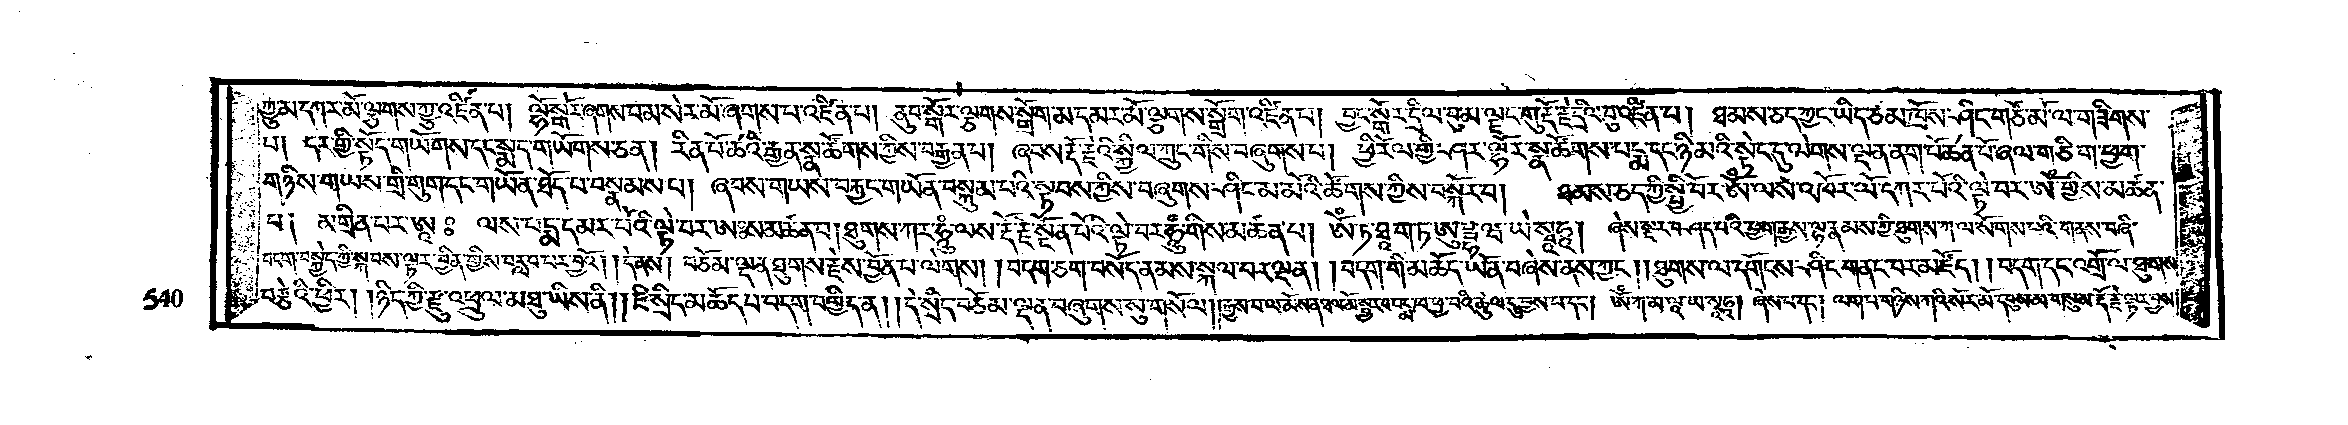ཀྱུ་མ་དཀར་མོ་ལྕགས་ཀྱུ་འཛིན་པ། ལྷོ་སྒོར་ཞགས་པ་མ་སེར་མོ་ཞགས་པ་འཛིན་པ། ནུབ་སྒོར་ལྕགས་སྒྲོག་མ་དམར་མོ་ལྕགས་སྒྲོག་འཛིན་པ། བྱང་སྒོར་དྲིལ་བུ་མ་ལྗང་གུ་རྡོ་རྗེ་དྲིལ་བུ་འཛིན་པ། ཐམས་ཅད་ཀྱང་ཡིད་ཙམ་ཁྲོས་ཤིང་གཙོ་མོ་ལ་གཟིགས་
པ༑ དར་གྱི་སྟོད་གཡོགས་དང་སྨད་གཡོགས་ཅན། རིན་པོ་ཆེའི་རྒྱན་སྣ་སོགས་ཀྱིས་བརྒྱན་པ། ཞབས་རྡོ་རྗེའི་སྐྱིལ་ཀྲུང་གིས་བཞུགས་པ། ཕྱི་རོལ་གྱི་ཤར་ལྷོར་སྣ་ཚོགས་པདམ་དང་ཉི་མའི་སྟེང་དུ་ལེགས་ལྡན་ནག་པོ་ཆེན་པོ་ཞལ་གཅིག་ཕྱག་
གཉིས་གཡས་གྲི་གུག་དང་གཡོན་ཐོད་པ་བསྣམས་པ། ཞབས་གཡས་བརྐྱང་གཡོན་བསྐུམ་པའི་སྟབས་ཀྱིས་བཞུག་ཤིང་མ་མོའི་ཚོགས་ཀྱིས་བསྐོར་བ། ཐམས་ཅད་ཀྱི་སྤྱི་བོར་ཨོཾ་ལས་འཁོར་ལོ་དཀར་པོའི་ལྟེ་བར་ཨོཾ་གྱིས་མཚན་
པ༑ མགྲིན་པར་ཨཱཿ ལས་པདམ་དམར་པོའི་ལྟེ་བར་ཨཿ ས་མཚན་པ། ཐུགས་ཀར་ཧཱུཾ་ལས་རྡོ་རྗེ་སྔོན་པོའི་ལྟེ་བར་ཧཱུཾ་གྱིས་མཚན་པ། ཨོཾ་ཏ་ཐཱ་ག་ཏ་ཨུདབྷ་ཝ་ཡེ་སྭཱ་ཧཱ། ཞེས་སྔར་བཤད་པའི་ཕྱག་རྒྱ་ལྷ་རྣམས་ཀྱི་ཐུགས་ཀ་ལ་སོགས་པའི་གནས་བཞི་
བདག་བསྐྱེད་ཀྱི་སྐབས་ལྟར་བྱིན་གྱིས་བླབ་པར་བྱའོ། །དེ་ནས། བཅོམ་ལྡན་ཐུགས་རྗེས་བྱོན་པ་ལེགས། །བདག་ཅག་བསོད་ནམས་སྐལ་བར་ལྡན། །བདག་གི་མཆོད་ཡོན་བཞེས་ནས་ཀྱང་། །ཐུགས་ལ་དགོངས་ཤིང་གནང་བར་མཛོད། །བདག་དང་འགྲོ་ལ་ཐུགས་
བརྩེའི་ཕྱིར། །ཉིད་ཀྱི་རྫུ་འཕྲུལ་མཐུ་ཡིས་ནི། །ཇི་སྲིད་མཆོད་པ་བདག་བགྱིད་ན། །དེ་སྲིད་བཅོམ་ལྡན་བཞུགས་སུ་གསོལ། །རྒྱས་པ་ལ་མོས་ན་ཐལ་མོ་སྦྱར་བ་པདམ་ཁ་ཕྱ་བའི་ཚུལ་དུ་བྱས་པ་དང་། ཨོཾ་ཀ་མ་ལཱ་ཡ་སྭཱ་ཧཱ། ཞེ་པ་དང་། ལག་པ་གཉིས་ཀའི་སོར་མོ་དབུས་མ་གསུམ་རྡོ་རྗེ་ལྟར་བྱས།